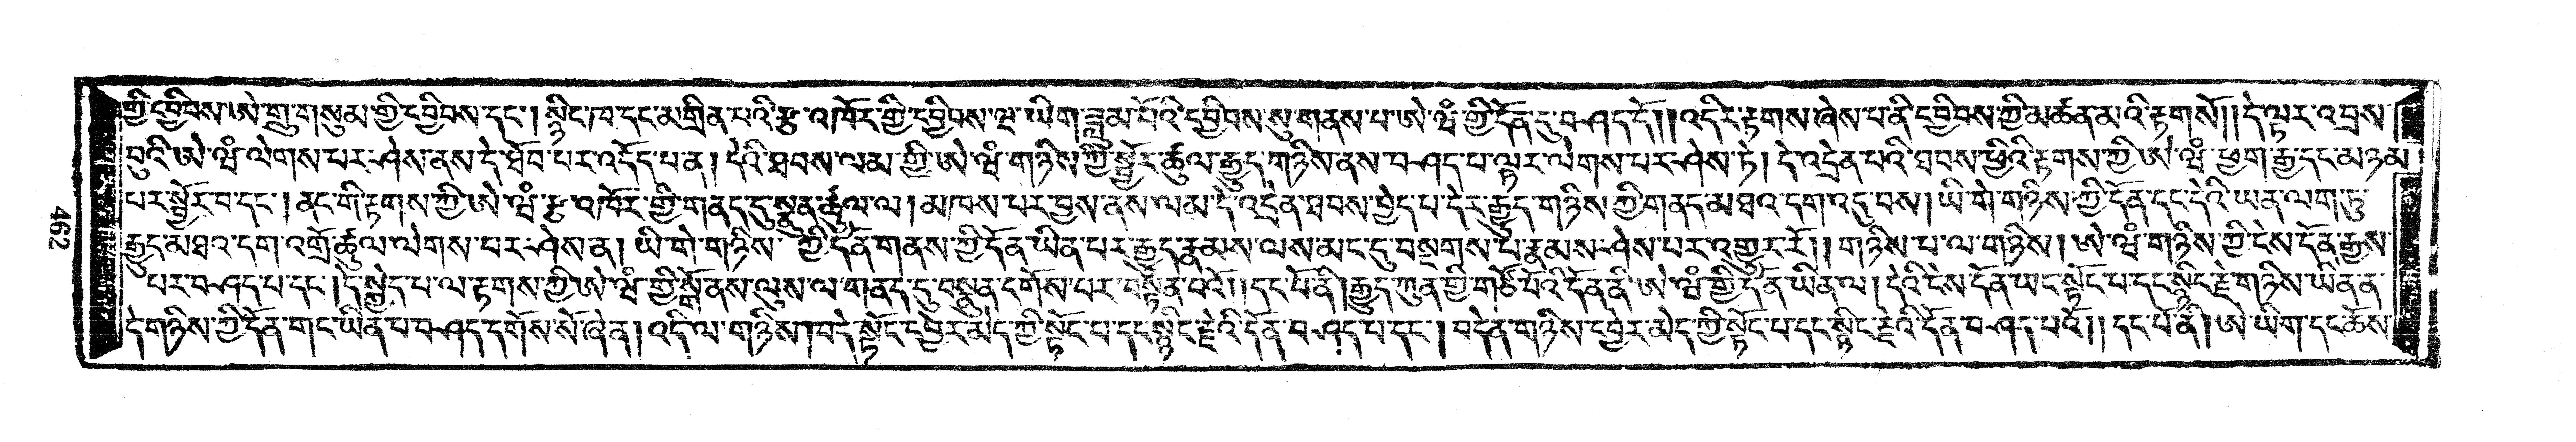གྱི་དབྱིབས་ཨེ་གྲུ་གསུམ་གྱི་དབྱིབས་དང་། སྙིང་ཁ་དང་མགྲིན་པའི་རྩ་འཁོར་གྱི་དབྱིབས་ཝ་ཡིག་ཟླུམ་པོའི་དབྱིབས་སུ་གནས་པ་ཨེ་ཝཾ་གྱི་དོན་དུ་བཤད་དོ། །འདིར་རྟགས་ཞེས་པ་ནི་དབྱིབས་ཀྱི་མཚན་མའི་རྟགས་སོ། །དེ་ལྟར་འབྲས་
བུའི་ཨེ་ཝཾ་ལེགས་པར་ཤེས་ནས་དེ་ཐོབ་པར་འདོད་པ་ན། དེའི་ཐབས་ལམ་གྱི་ཨེ་ཝཾ་གཉིས་ཀྱི་སྦྱོར་ཚུལ་རྒྱུད་གཉིས་ནས་བཤད་པ་ལྟར་ལེགས་པར་ཤེས་ཏེ། དེ་འདྲེན་པའི་ཐབས་ཕྱིའི་རྟགས་ཀྱི་ཨེ་ཝཾ་ཕྱག་རྒྱ་དང་མཉམ་
པར་སྦྱོར་བ་དང་། ནང་གི་རྟགས་ཀྱི་ཨེ་ཝཾ་རྩ་འཁོར་གྱི་གནད་དུ་སྣུན་ཚུལ་ལ། མཁས་པར་བྱས་ནས་ལམ་དེ་འདྲེན་ཐབས་བྱེད་པ་དེར་རྒྱུད་གཉིས་ཀྱི་གནད་མཐའ་དག་འདུ་བས། ཡི་གེ་གཉིས་ཀྱི་དོན་དང་དེའི་ཡན་ལག་ཏུ་
རྒྱུད་མཐའ་དག་འགྲོ་ཚུལ་ལེགས་པར་ཤེས་ན། ཡི་གེ་གཉིས་ཀྱི་དོན་གནས་ཀྱི་དོན་ཡིན་པར་རྒྱུད་རྣམས་ལས་མང་དུ་བསྔགས་པ་རྣམས་ཤེས་པར་འགྱུར་རོ། །གཉིས་པ་ལ་གཉིས། ཨེ་ཝཾ་གཉིས་ཀྱི་ངེས་དོན་རྒྱས་
པར་བཤད་པ་དང་། དེ་སྐྱེད་པ་ལ་རྟགས་ཀྱི་ཨེ་ཝཾ་གྱི་སྒོ་ནས་ལུས་ལ་གནད་དུ་བསྣུན་དགོས་པར་བསྟན་པའོ། །དང་པོ་ནི། རྒྱུད་ཀུན་གྱི་གཙོ་བོའི་དོན་ནི་ཨེ་ཝཾ་གྱི་དོན་ཡིན་ལ། དེའི་ངེས་དོན་ཡང་སྟོང་པ་དང་སྙིང་རྗེ་གཉིས་ཡིན་ན་དེ་གཉིས་ཀྱི་དོན་གང་ཡིན་པ་བཤད་དགོས་སོ་ཞེ་ན། འདི་ལ་གཉིས། བདེ་སྟོང་དབྱེར་མེད་ཀྱི་སྟོང་པ་དང་སྙིང་རྗེའི་དོན་བཤད་པ་དང་། བདེན་གཉིས་དབྱེར་མེད་ཀྱི་སྟོང་པ་དང་སྙིང་རྗེའི་དོན་བཤད་པའོ། །དང་པོ་ནི། ཨེ་ཡིག་དང་ཆོས་